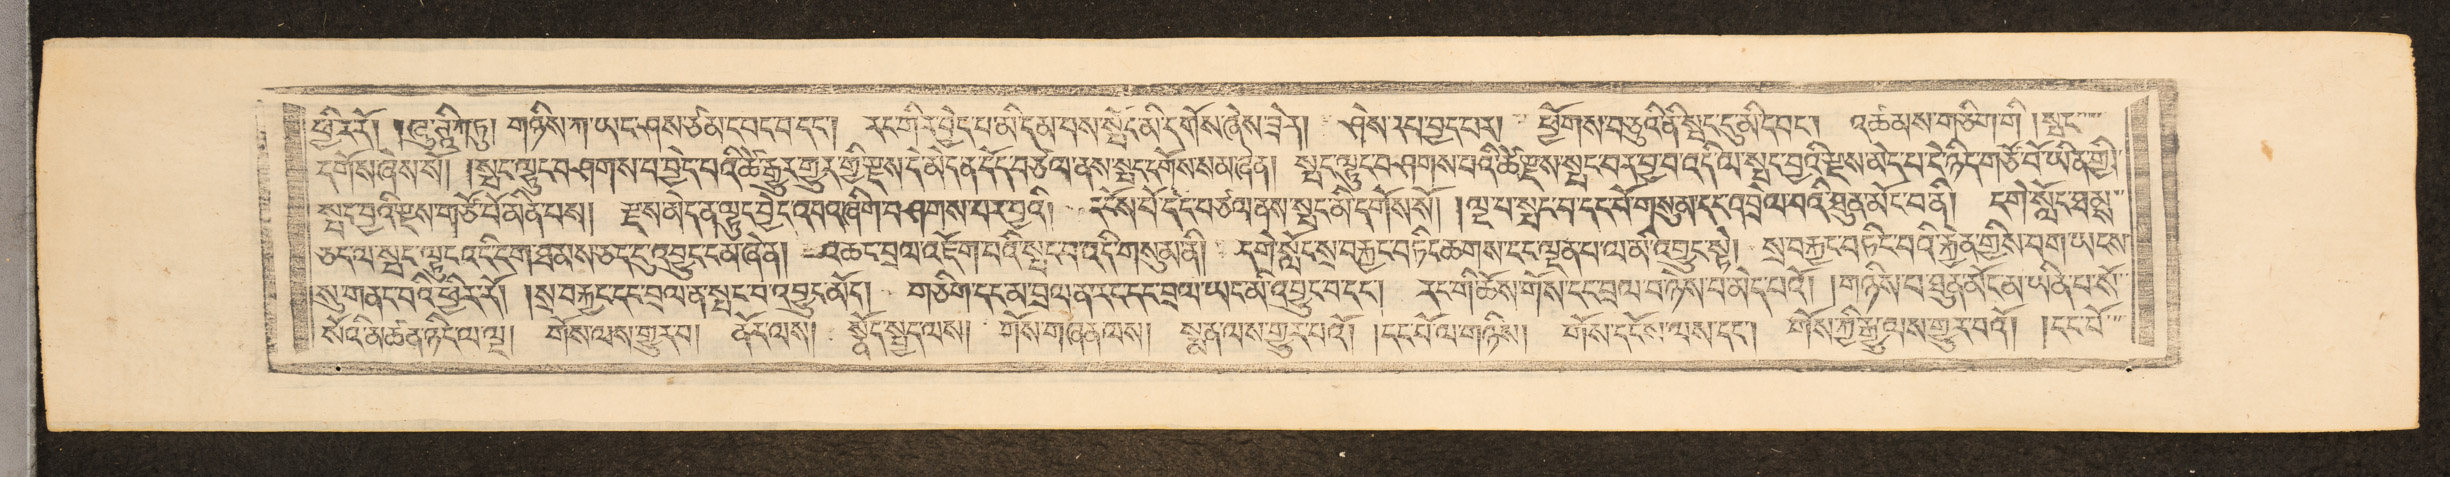ཕྱིར་རོ། །ཞུ་ཊཱིཀ་ཏུ། གཉིས་ཀ་ཡང་ཤས་ཙམ་དབང་བ་དང་། རང་གིར་བྱེད་པ་མི་དམ་པས་སྤོང་མི་དགོས་ཞེས་ཟེར། ཤེས་རབ་བྱེད་པར། ཕྱོགས་བཅུའི་ནི་སྤང་དུ་མི་དབང་། འཚམས་གཅིག་གི །སྤང་
དགོས་ཞེས་སོ། །སྤང་ལྟུང་བཤགས་པ་བྱེད་པའི་ཚེ་རྒྱུར་གྱུར་གྱི་རྫས་དེ་མེད་ན་དོད་བཙལ་ནས་སྤང་དགོས་སམ་ཞེ་ན། སྤང་ལྟུང་བཤགས་པའི་ཚེ་རྫས་སྤང་བར་བྱ་བ་འདི་ལ་སྤང་བྱའི་རྫས་མེད་པ་དེ་ཉིད་གཙོ་བོ་ཡིན་གྱི།
སྤང་བྱའི་རྫས་གཙོ་བོ་མིན་པས། རྫས་མེད་ན་ལྟུང་བྱེད་འབའ་ཞིག་བཤགས་པར་བྱའི། དངོས་པོ་དོད་བཙལ་ནས་སྤང་མི་དགོས་སོ། །ལྔ་པ་སྤང་བ་དང་པོ་གསུམ་དང་འབྲེལ་བའི་ཐུན་མོང་བ་ནི། དགེ་སློང་ཐམས་
ཅད་ལ་སྤང་ལྟུང་འདི་དག་ཐམས་ཅད་དུ་འབྱུང་དམ་ཞེ་ན། འཆང་བྲལ་འཇོག་པའི་སྤང་བ་འདི་གསུམ་ནི། དགེ་སློང་སྲ་བརྐྱང་བཏིང་ཆགས་དང་ལྡན་པ་ལ་མི་དབྱུང་སྟེ། སྲ་བརྐྱང་བ་ཏིང་བའི་རྐྱེན་གྱིས་བག་ཡངས་
སུ་གནང་བའི་ཕྱིར་རོ། །སྲ་བརྐྱང་དང་བྲལ་ན་སྤང་བ་འབྱུང་མོད། གཅིག་དང་མ་བྲལ་ན་རང་དང་བྲལ་ཡང་མི་འབྱུང་བ་དང་། རང་གི་ཆོས་གོས་དང་བྲལ་བ་ཉེས་པ་མེད་པའོ། །གཉིས་པ་ཐུན་མོང་མ་ཡིན་པ་སོ།
སོའི་མཚན་ཉིད་ལ་ལྔ། གོས་ལས་གྱུར་པ། ནོར་ལས། སྣོད་སྤྱད་ལས། གོས་གཞན་ལས། སྨན་ལས་གྱུར་བའོ། །དང་པོ་ལ་གཉིས། གོས་དངོས་ལས་དང་། གོས་ཀྱི་རྒྱུ་ལས་གྱུར་པའོ། །དང་པོ་